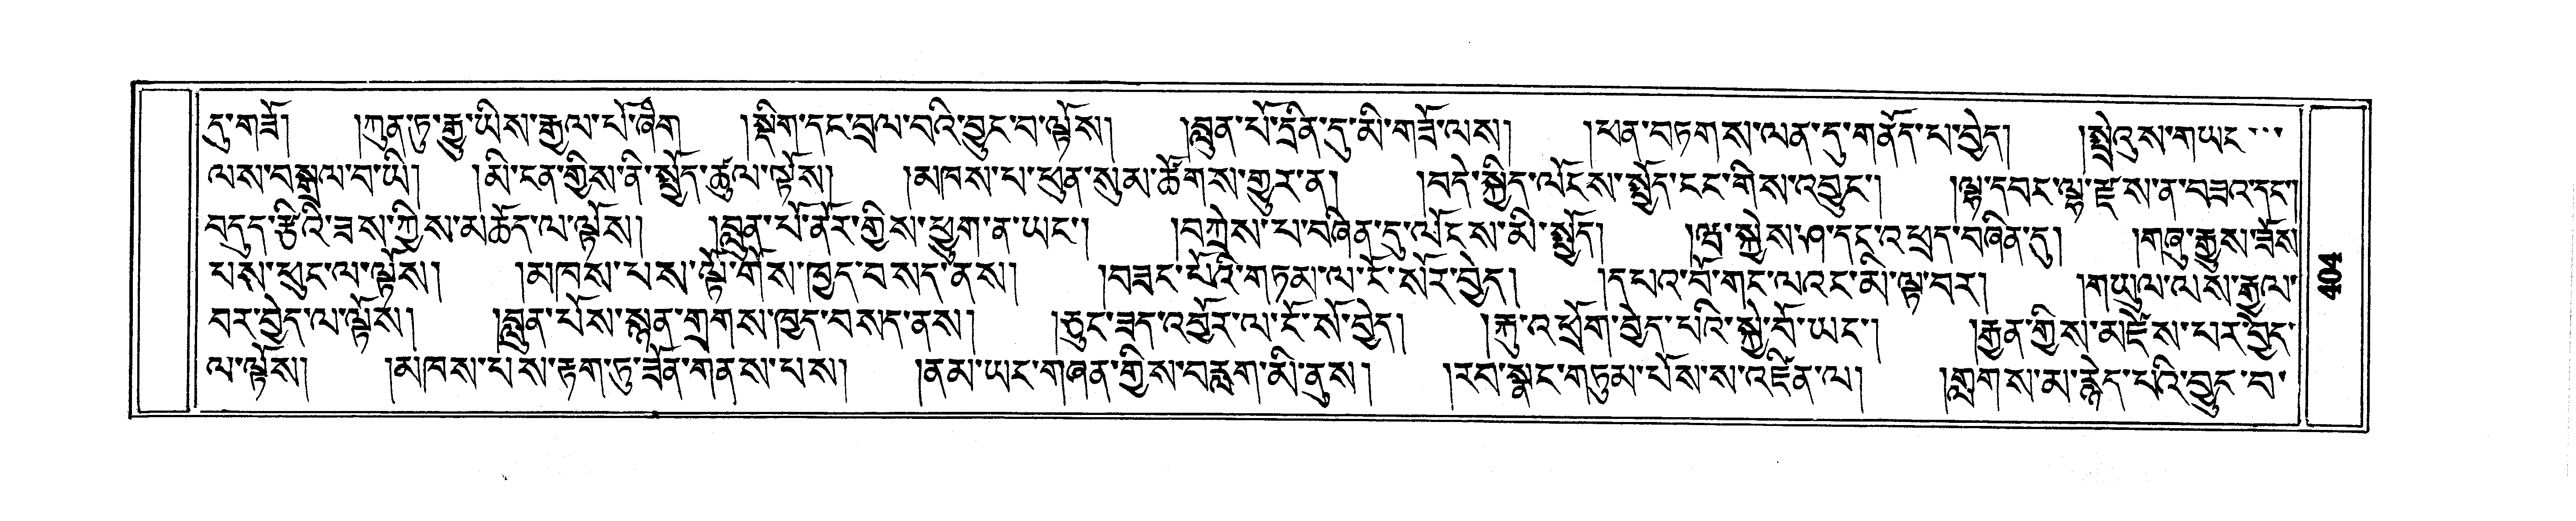དུ་གཟོ། །ཀུན་ཏུ་རྒྱུ་ཡིས་རྒྱལ་པོ་ཞིག །སྡིག་དང་བྲལ་བའི་བྱུང་བ་ལྟོས། །བླུན་པོ་དྲིན་དུ་མི་གཟོ་ལས། །ཕན་བཏགས་ལན་དུ་གནོད་པ་བྱེད། །སྤྲེའུས་གཡང་
ལས་བསྒྲལ་བ་ཡི། །མི་ངན་གྱིས་ནི་སྤྱོད་ཚུལ་ལྟོས། །མཁས་པ་ཕུན་སུམ་ཚོགས་གྱུར་ན། །བདེ་སྐྱིད་ལོངས་སྤྱོད་ངང་གིས་འབྱུང་། །ལྷ་དབང་ལྷ་རྫས་ན་བཟའ་དང་།
བདུད་རྩིའི་ཟས་ཀྱིས་མཆོད་ལ་ལྟོས། །བླུན་པོ་ནོར་གྱིས་ཕྱུག་ན་ཡང་། །བཀྲེས་པ་བཞིན་དུ་ལོངས་མི་སྤྱོད། །ཝ་སྐྱེས་ཤ་དང་འཕྲད་བཞིན་དུ། །གཞུ་རྒྱུས་ཟོས་
པས་ཕུང་ལ་ལྟོས། །མཁས་པས་ལྟོ་གོས་ཁྱད་བསད་ནས། །བཟང་པོའི་གཏམ་ལ་ངོ་སོར་བྱེད། །དཔའ་བོ་གང་ལའང་མི་ལྟ་བར། །གཡུལ་ལས་རྒྱལ་
བར་བྱེད་ལ་ལྟོས། །བླུན་པོས་སྙན་གྲགས་ཁྱད་བསད་ནས། །ཅུང་ཟད་འབྱོར་ལ་ངོ་སོ་བྱེད། །རྐུ་འཕྲོག་བྱེད་པའི་སྐྱེ་བོ་ཡང་། །རྒྱན་གྱིས་མཛེས་པར་བྱེད་
ལ་ལྟོས། །མཁས་པས་རྟག་ཏུ་ཟོན་གནས་པས། །ནམ་ཡང་གཞན་གྱིས་བརླག་མི་ནུས། །རབ་སྣང་གཏུམ་པོས་ས་འཛིན་ལ། །གླགས་མ་རྙེད་པའི་བྱུང་བ་